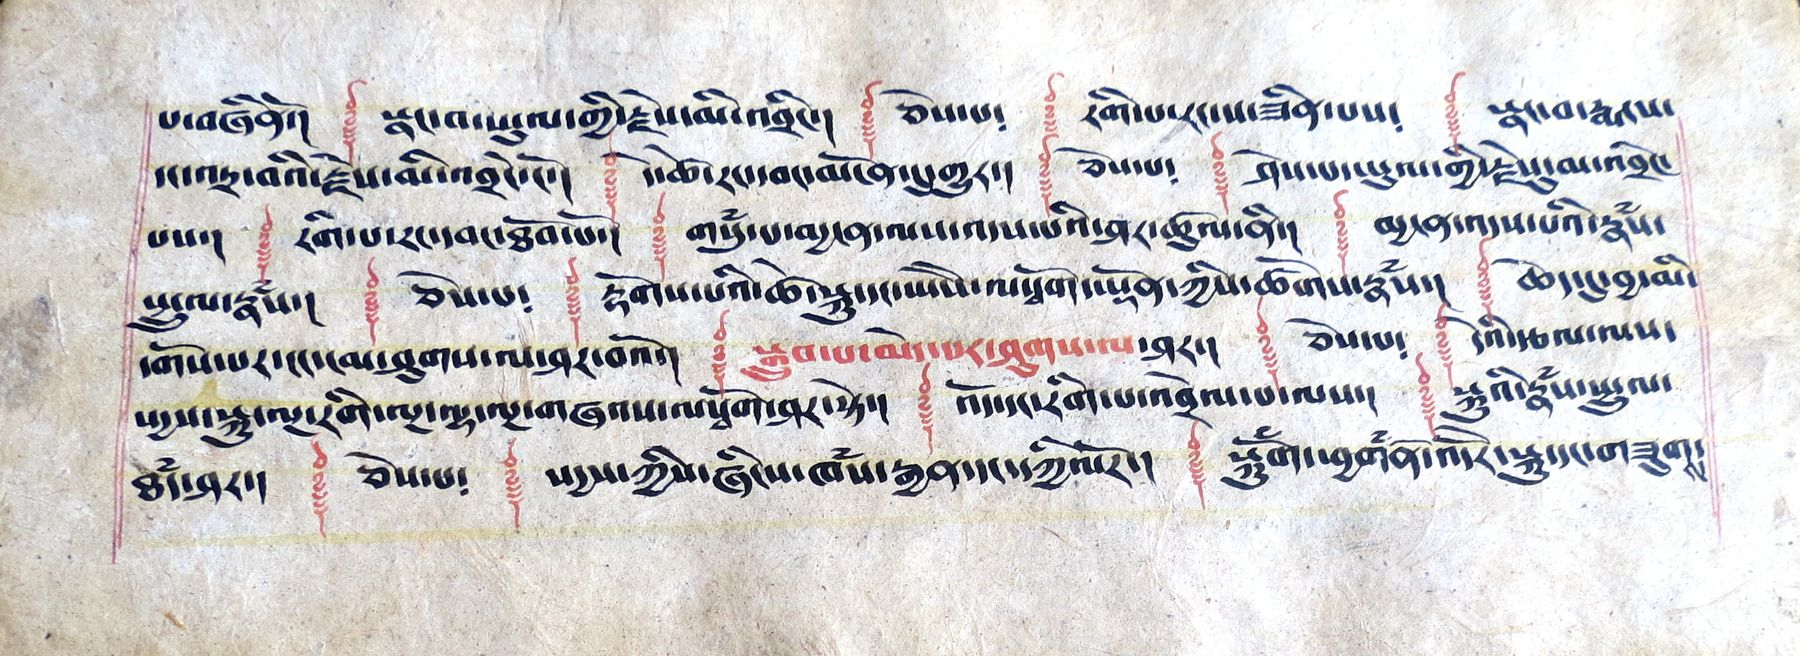བཞིན་ནོ། །སྣང་བ་ཡུལ་གྱི་རྗེས་མི་འབྲེང་། །ཞེས་པས་རིག་པ་རང་ས་ཟིན་པས། སྣང་བ་དམངས་
དང་འདྲ་བའི་རྗེས་མི་འབྲེང་ངོ་། །དེ་ཚེ་རང་དབང་མངོན་དུ་གྱུར། །ཅེས་པས་ཤེས་པས་ཡུལ་གྱི་རྗེས་སུ་མ་འབྲེངས་
པས། རིག་པ་རང་དབང་ཐོབ་བོ། །གསུམ་པ་མྱ་ངན་ལས་འདས་པའི་ཤར་ཚུལ་ནི། མྱ་ངན་འདས་པའི་རྣམ་
སྤྲུལ་རྣམས། །ཞེས་པས། རྟོགས་པའི་ཚེ་སྐུ་དང་ཡེ་ཤེས་ལས་སོགས་ཡོན་ཏན་གྱི་ཚོགས་རྣམས། ཆེད་དུ་བྱ་མི་
དགོས་པར་ངང་ངམ་ཤུགས་ལས་ཤར་བའོ། །སྒྲུབ་པ་མེད་པར་ཤུགས་ལས་ཤར་ཅེས་པས། དེའི་རྩལ་ལས་
སངས་རྒྱས་སྐུ་ལྔ་རིགས་ལྔ་ལྷ་ལྔ་གཞལ་ཡས་ལས་སོགས་ཤར་སྟེ། འོད་དང་རིག་པ་འབྲེལ་བ་ལས། སྐུའི་རྣམ་སྤྲུལ་
ཐམས་ཅད་ཤར། །ཅེས་པས་སངས་རྒྱས་ཀྱི་ཞིང་ཁམས་རྒྱན་དང་དཀྱིལ་འཁོར་སྐུ་མདོག་ཕྱག་མཚན་འོད་ཟེར་སྐུ་དང་གཟུགས་